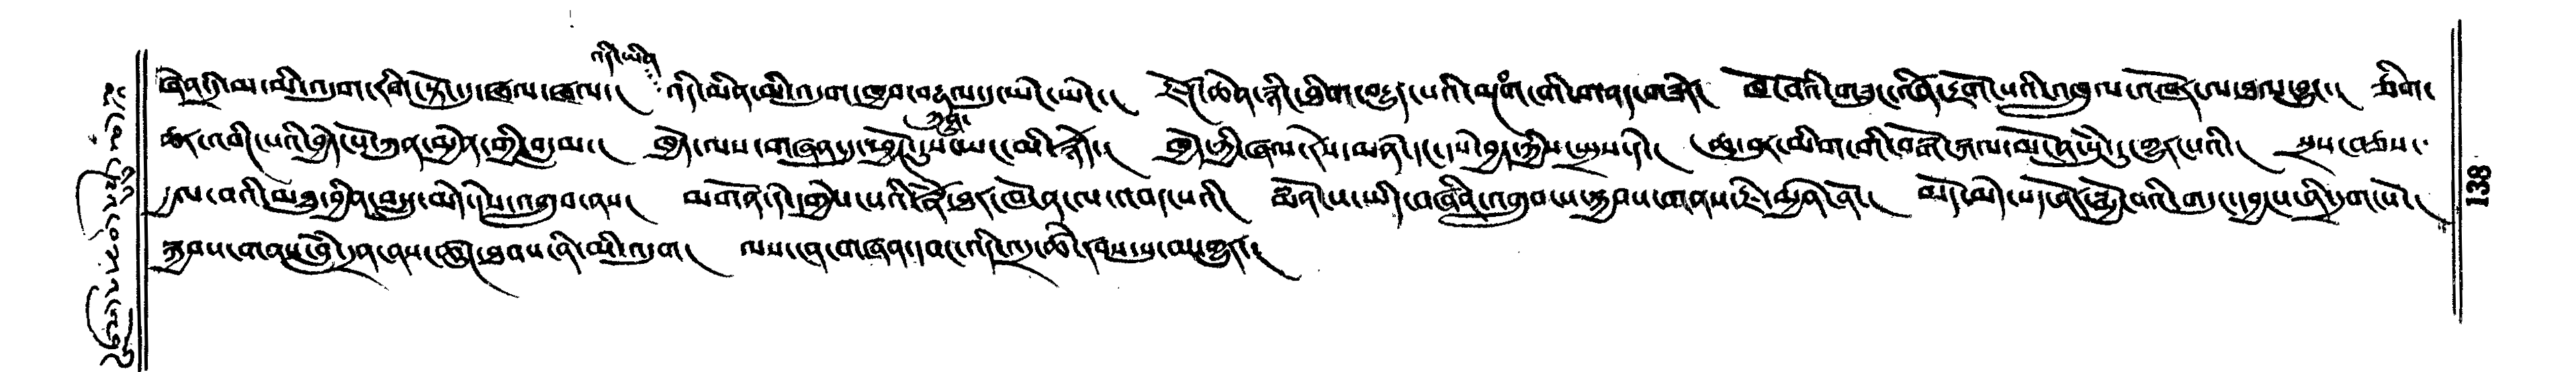ཞེན་དྲི་མ་མི་འདུག་རིག་སྟོང་དུ་ཝལ་ཝལ། །འདི་ཡིན་འདི་མིན་མི་འདུག་ཁྱབ་བརྡལ་དུ་ཡེང་ཡེང་། །རྫོགས་ཆེན་སྙིང་ཐིག་བརྒྱུད་པའི་མན་ངག་གི་གནད་གཟེར། །ཁོ་བོའི་གཟུང་འཛིན་རྟོག་པའི་འཁྲུལ་འཁོར་ལ་ཐལ་བྱུང་། །ཅིག་
ཆར་འབིགས་པའི་བྱེད་པོ་ཀུན་མཁྱེན་གྱི་བླ་མ། །ཁྱོད་ལས་གཞན་དུ་ཕྱོགས་དུས་ཀུན་ཏུ་ཡང་མི་རྙེད། །ཁྱོད་ཀྱི་ཞལ་རས་མཚན་དང་དཔེ་བྱད་ཀྱིས་སྤྲས་དེ། །ཆུ་བུར་མིག་གི་གོ་སྐལ་མངོན་སུམ་དུ་གྱུར་པའི། །སྲས་བཅས་
རྒྱལ་བའི་མཐུ་བྱིན་བསླུ་མེད་དེས་གྲུབ་ནས། །མགོན་དེ་དགྱེས་པའི་རྣམ་ཐར་ཁོ་ན་ལ་འབད་པའི། །སྨོན་པ་ཡིད་བཞིན་འགྲུབ་པ་སྐྱབས་གནས་རྗེ་མཁྱེན་ནོ། །མདོ་མེད་པད་ནོར་སྨྱོ་བའི་གདུང་དབྱངས་ནི་དྲག་པོ། །
སྐྱབས་གནས་བླ་མ་དྲན་ནས་ཚུགས་ཐབས་ནི་མི་འདུག།ལས་ངན་གཞན་དབང་འདི་འདྲ་ཚེ་རབས་སུ་མ་གྱུར།། དགེའོ།།